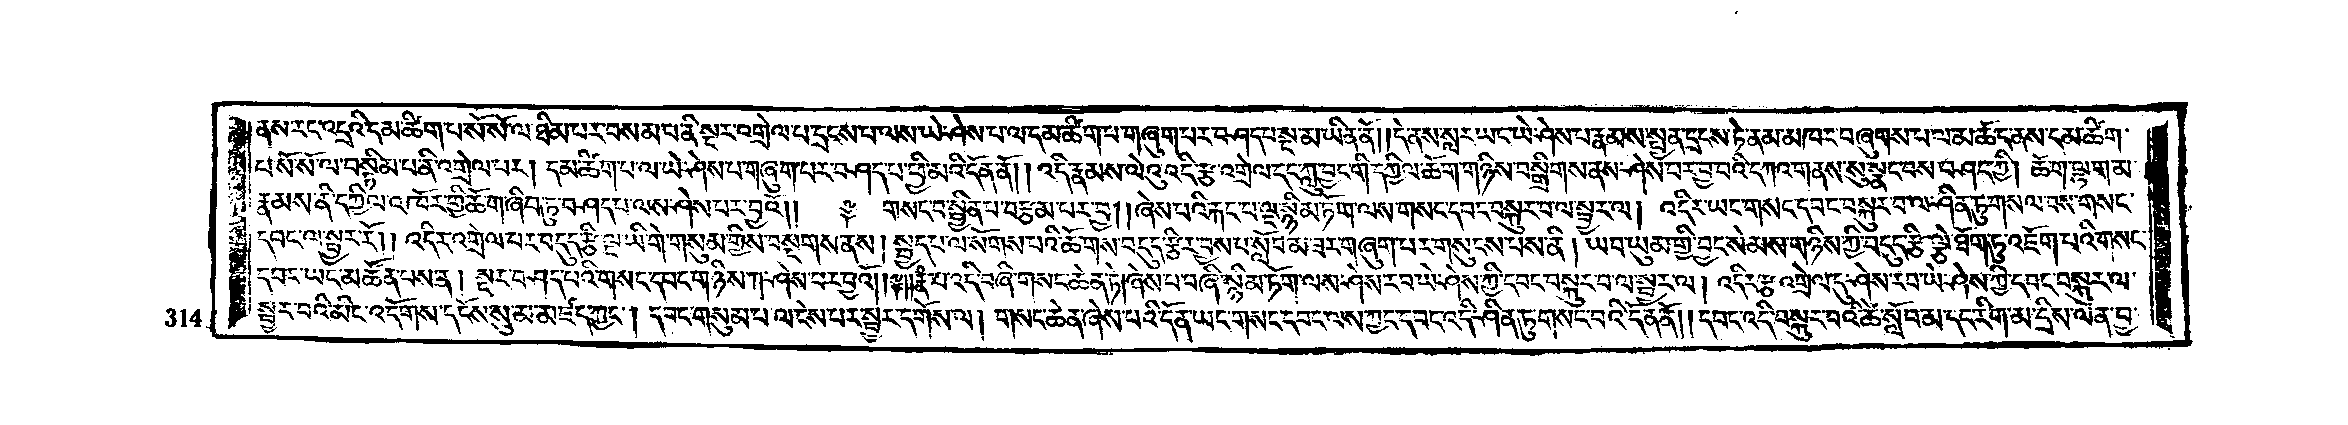ནས་རང་འདྲའི་དམ་ཚིག་པ་སོ་སོ་ལ་ཐིམ་པར་བསམ་པ་ནི་སྔར་འགྲེལ་པ་དྲངས་པ་ལས་ཡེ་ཤེས་པ་ལ་དམ་ཚིག་པ་གཞུག་པར་བཤད་པ་སྔ་མ་ཡིན་ནོ། །དེ་ནས་སླར་ཡང་ཡེ་ཤེས་པ་རྣམས་སྤྱན་དྲངས་ཏེ་ནམ་མཁར་བཞུགས་པ་ལ་མཆོད་ནས་དམ་ཚིག་
པ་སོ་སོ་ལ་བསྟིམ་པ་ནི་འགྲེལ་པར། དམ་ཚིག་པ་ལ་ཡེ་ཤེས་པ་གཞུག་པར་བཤད་པ་ཕྱི་མའི་དོན་ནོ། །འདི་རྣམས་ལེའུ་འདི་རྩ་འགྲེལ་དང་ཀླུ་བྱང་གི་དཀྱིལ་ཆོག་གཉིས་བསྒྲིགས་ནས་ཤེས་པར་བྱ་བའི་དཀའ་གནས་སུ་སྣང་བས་བཤད་ཀྱི།
ཆོ་ག་ལྷག་མ་རྣམས་ནི་དཀྱིལ་འཁོར་གྱི་ཆོ་ག་ཞིབ་ཏུ་བཤད་པ་ལས་ཤེས་པར་བྱའོ།། ༈ གསང་བ་སྦྱིན་པ་བརྩམ་པར་བྱ། །ཞེས་པའི་རྐང་པ་ལྔ་སྙིམ་ཏོག་ལས་གསང་དབང་བསྐུར་བ་ལ་སྦྱར་ལ། འདིར་ཡང་གསང་དབང་བསྐུར་བ་ལ་ཤིན་ཏུ་གསལ་བས་གསང་
དབང་ལ་སྦྱར་རོ། །འདིར་འགྲེལ་པར་བདུད་རྩི་ལྔ་ཡི་གེ་གསུམ་གྱིས་བསྔགས་ནས། སྤྱད་པ་ལ་སོགས་པའི་ཆོ་གས་བདུད་རྩིར་བྱས་པ་སློབ་མ་ཟར་གཞུག་པར་གསུངས་པས་ནི། ཡབ་ཡུམ་གྱི་བྱང་སེམས་གཉིས་ཀྱི་བདུད་རྩི་ལྕེ་ཐོག་ཏུ་འཇོག་པའི་གསང་
དབང་ཡང་མཚོན་པས་ན། སྔར་བཤད་པའི་གསང་དབང་གཉིས་ཀ་ཤེས་པར་བྱའོ།། ༈ །།རྣམ་པ་འདི་བཞི་གསང་ཆེན་ཏེ། ཞེས་པ་བཞི་སྙིམ་ཏོག་ལས་ཤེས་རབ་ཡེ་ཤེས་ཀྱི་དབང་བསྐུར་བ་ལ་སྦྱར་ལ། འདིར་རྩ་འགྲེལ་དུ་ཤེས་རབ་ཡེ་ཤེས་ཀྱི་དབང་བསྐུར་ལ་
སྦྱར་བའི་མིང་འདོགས་དངོས་སུ་མ་མཛད་ཀྱང་། དབང་གསུམ་པ་ལ་ངེས་པར་སྦྱར་དགོས་ལ། གསང་ཆེན་ཞེས་པའི་དོན་ཡང་གསང་དབང་ལས་ཀྱང་དབང་འདི་ཤིན་ཏུ་གསང་བའི་དོན་ནོ། དབང་འདི་བསྐུར་བའི་ཚེ་སློབ་མ་དང་རིག་མ་དྲིས་ལན་བྱ་